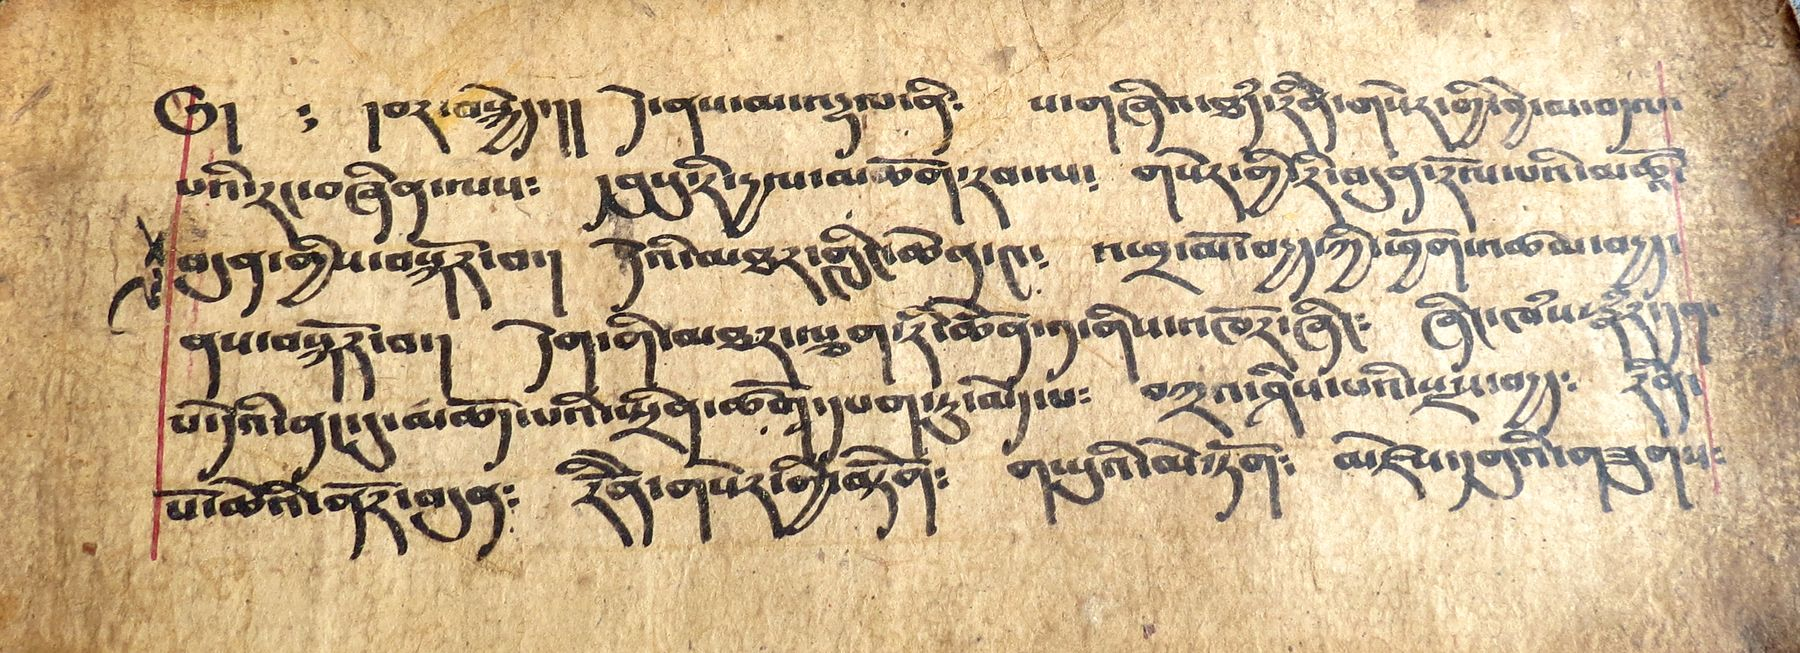བར་བསྐྱེད། དེ་ནས་མཎྜལ་ནི། ས་གཞི་ཐམས་ཅད་རིན་པོ་ཆེའི་གསེར་གྱི་བྱེ་མ་བདལ་
པའི་རང་བཞིན་ལ། དབུས་སུ་རི་རྒྱལ་མཆོག་རབ་ལ་གསེར་གྱི་རི་བདུན་རོལ་པའི་མཚོ་
བདུན་གྱིས་བསྐོར་བ། དེའི་མཐར་གླིང་ཆེན་བཞི། འཕྲ་མོ་བརྒྱད་ཀྱིས་ཕྱོགས་མཚམས་བརྒྱད་
ནས་བསྐོར་བ། དེ་དག་གི་མཐའ་ལྕགས་རི་ཆེན་པོ་གཅིག་གིས་འཁོར་ཞིང་། ཞིང་ཁམས་རྣམ་པར་དག་
པ་དེའི་ནང་དུ་མཆོད་པའི་སྤྲིན་ཚོགས་དཔག་ཏུ་མེད་པར། བཀྲ་ཤིས་པའི་རྫས་བརྒྱད། རིན་
པོ་ཆེའི་ནོར་བདུན། རིན་པོ་ཆེའི་གསེར་གྱི་མེ་ཏོག གཡུ་ཡི་མེ་ཏོག མཛེས་དགུའི་གཟུགས།